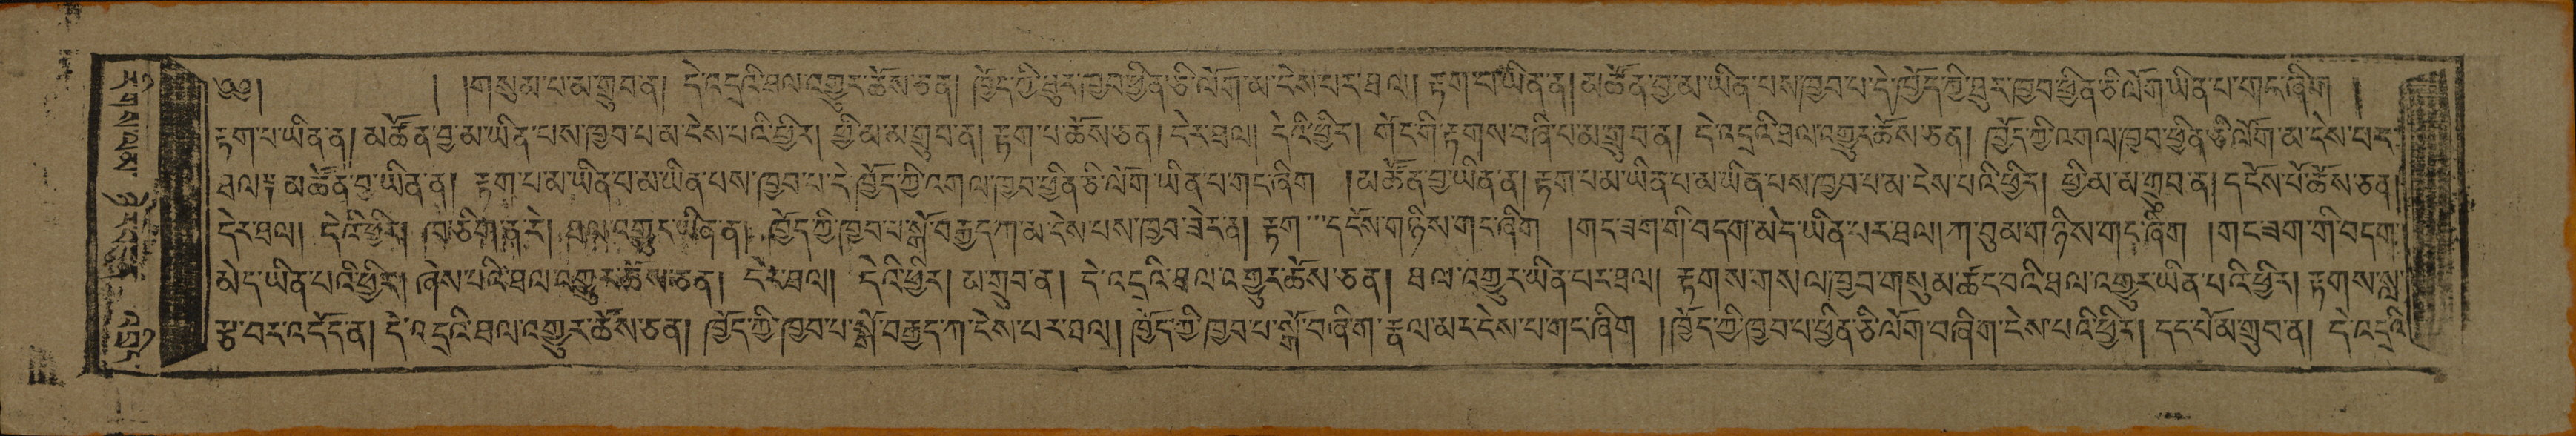༄༅། །གསུམ་པ་མ་གྲུབ་ན། དེ་འདྲའི་ཐལ་འགྱུར་ཆོས་ཅན། ཁྱོད་ཀྱི་ཐུར་ཁྱབ་ཕྱིན་ཅི་ལོག་མ་ངེས་པར་ཐལ། རྟག་པ་ཡིན་ན། མཚོན་བྱ་མ་ཡིན་པས་ཁྱབ་པ་དེ་ཁྱོད་ཀྱི་ཐུར་ཁྱབ་ཕྱིན་ཅི་ལོག་ཡིན་པ་གང་ཞིག །
རྟག་པ་ཡིན་ན། མཚོན་བྱ་མ་ཡིན་པས་ཁྱབ་པ་མ་ངེས་པའི་ཕྱིར། ཕྱི་མ་མ་གྲུབ་ན། རྟག་པ་ཆོས་ཅན། དེར་ཐལ། དེའི་ཕྱིར། གོང་གི་རྟགས་བཞི་པ་མ་གྲུབ་ན། དེ་འདྲའི་ཐལ་འགྱུར་ཆོས་ཅན། ཁྱོད་ཀྱི་འགལ་ཁྱབ་ཕྱིན་ཅི་ལོག་མ་ངེས་པར་
ཐལ༑ མཚོན་བྱ་ཡིན་ན། རྟག་པ་མ་ཡིན་པ་མ་ཡིན་པས་ཁྱབ་པ་དེ་ཁྱོད་ཀྱི་འགལ་ཁྱབ་ཕྱིན་ཅི་ལོག་ཡིན་པ་གང་ཞིག །མཚོན་བྱ་ཡིན་ན། རྟག་པ་མ་ཡིན་པ་མ་ཡིན་པས་ཁྱབ་པ་མ་ངེས་པའི་ཕྱིར། ཕྱི་མ་མ་གྲུབ་ན། དངོས་པོ་ཆོས་ཅན།
དེར་ཐལ། དེའི་ཕྱིར། ཁ་ཅིག་ན་རེ། ཐལ་འགྱུར་ཡིན་ན། ཁྱོད་ཀྱི་ཁྱབ་པ་སྒོ་བརྒྱད་ཀ་མ་ངེས་པས་ཁྱབ་ཟེར་ན། རྟག་དངོས་གཉིས་གང་ཞིག །གང་ཟག་གི་བདག་མེད་ཡིན་པར་ཐལ། ཀ་བུམ་གཉིས་གང་ཞིག །གང་ཟག་གི་བདག་
མེད་ཡིན་པའི་ཕྱིར། ཞེས་པའི་ཐལ་འགྱུར་ཆོས་ཅན། དེར་ཐལ། དེའི་ཕྱིར། མ་གྲུབ་ན། དེ་འདྲའི་ཐལ་འགྱུར་ཆོས་ཅན། ཐལ་འགྱུར་ཡིན་པར་ཐལ། རྟགས་གསལ་ཁྱབ་གསུམ་ཚང་བའི་ཐལ་འགྱུར་ཡིན་པའི་ཕྱིར། རྟགས་སླ་
རྩ་བར་འདོད་ན། དེ་འདྲའི་ཐལ་འགྱུར་ཆོས་ཅན། ཁྱོད་ཀྱི་ཁྱབ་པ་སྒོ་བརྒྱད་ཀ་ངེས་པར་ཐལ། ཁྱོད་ཀྱི་ཁྱབ་པ་སྒོ་བཞིག་རྣལ་མར་ངེས་པ་གང་ཞིག །ཁྱོད་ཀྱི་ཁྱབ་པ་ཕྱིན་ཅི་ལོག་བཞིག་ངེས་པའི་ཕྱིར། དང་པོ་མ་གྲུབ་ན། དེ་འདྲའི་